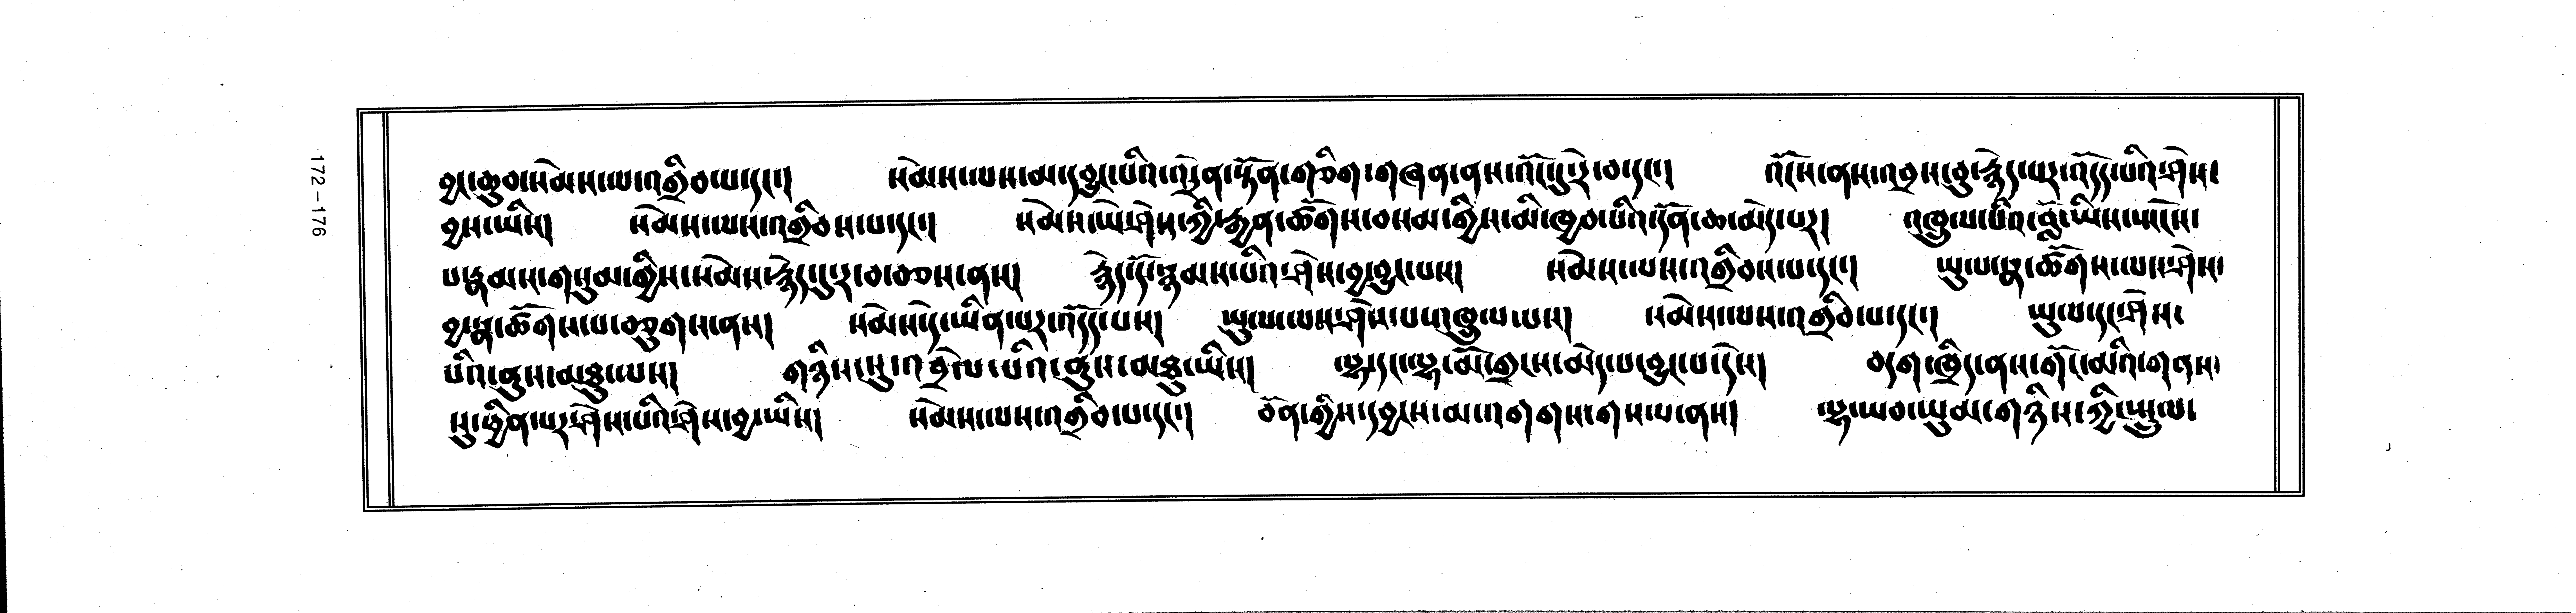བྱང་ཆུབ་སེམས་ལ་འགྲིབ་པ་དང་། སེམས་ལས་མ་དབྱུང་པའི་འདྲེན་སྟོན་གཅིག་གཞན་ནས་འོང་དུ་རེ་བ་དང་། འོངས་ནས་འབྲས་བུ་རྙེད་པར་འདོད་པའི་ཤེས་
བྱས་ཡིས། སེམས་ལས་འགྲིབས་པ་དང་། སེམས་ཡེ་ཤེས་ཀྱི་རྒྱན་ཚོགས་བསམ་གྱིས་མི་ཁྱབ་པའི་དོན་ཆ་མེད་པར། འཁྲུལ་པའི་བློ་ཡིས་སྤོངས་
པ་རྣམས་གསུམ་གྱིས་སེམས་རྙེད་དུ་རེ་བ་བཅས་ནས། རྙེད་དོ་སྙོམས་པའི་ཤེས་བྱ་བྱུང་པས། སེམས་ལས་འགྲིབས་པ་དང་། ཡུལ་སྣ་ཚོགས་ལས་ཤེས་
བྱ་སྣ་ཚོགས་པ་བཅུགས་ནས། སེམས་དེ་ཡིན་པར་འདོད་པས། ཡུལ་ལས་ཤེས་པས་འཁྲུལ་པས། སེམས་ལས་འགྲིབ་པ་དང་། ཡུལ་དང་ཤེས་
པའི་ནུས་མཐུ་ལས། གཉིས་སུ་འབྲེལ་པའི་ནུས་མཐུ་ཡིས། ལྷ་དང་ལྷ་མོ་གྲངས་མེད་པ་བྱུང་པ་དེས། བདག་ཁྲིད་ནས་གོང་མའི་གནས་
སུ་ཕྱིན་པར་ཤེས་པའི་ཤེས་བྱ་ཡིས། སེམས་ལས་འགྲིབ་པ་དང་། བོན་གྱིས་དབྱངས་མ་འགགས་གསལ་ནས། ལྷ་ཡབ་ཡུམ་གཉིས་ཀྱི་སྤྲུལ་